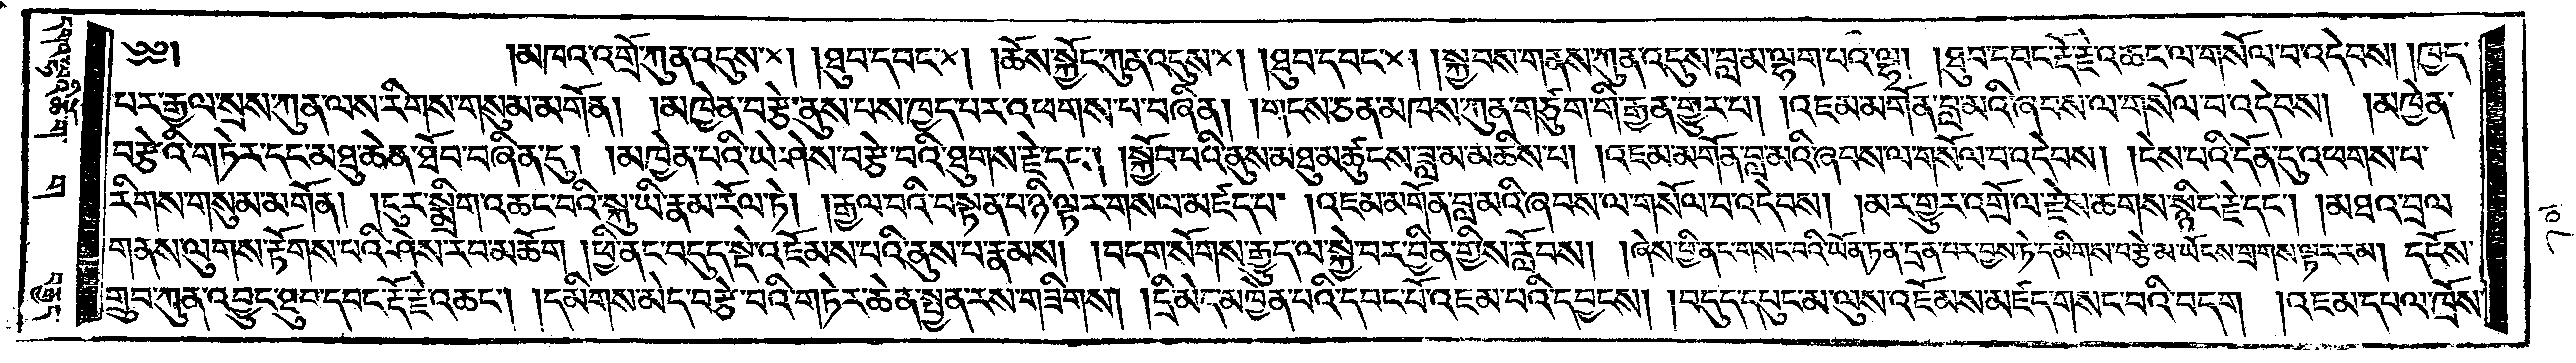༄༅། །མཁའ་འགྲོ་ཀུན་འདུས། །ཐུབ་དབང་྾། །ཆོས་སྐྱོང་ཀུན་འདུས་྾། །ཐུབ་དབང་། །སྐྱབས་གནས་ཀུན་འདུས་བླ་མ་ལྷག་པའི་ལྷ། །ཐུབ་དབང་རྡོ་རྗེ་འཆང་ལ་གསོལ་བ་འདེབས། །ཁྱད་
པར་རྒྱལ་སྲས་ཀུན་ལས་རིགས་གསུམ་མགོན། །མཁྱེན་བརྩེ་ནུས་པས་ཁྱད་པར་འཕགས་པ་བཞིན། །གངས་ཅན་མཁས་ཀུན་གཙུག་གི་རྒྱན་གྱུར་པ། །འཇམ་མགོན་བླ་མའི་ཞབས་ལ་གསོལ་བ་འདེབས། །མཁྱེན་
བརྩེའི་གཏེར་དང་མཐུ་ཆེན་ཐོབ་བཞིན་དུ། །མཁྱེན་པའི་ཡེ་ཤེས་བརྩེ་བའི་ཐུགས་རྗེ་དང་། །སྐྱོབ་པའི་ནུས་མཐུ་མཚུངས་ཟླ་མ་མཆིས་པ། །འཇམ་མགོན་བླ་མའི་ཞབས་ལ་གསོལ་བ་འདེབས། །ངེས་པའི་དོན་དུ་འཕགས་པ་
རིགས་གསུམ་མགོན། །དུར་སྨྲིག་འཆང་བའི་སྐུ་ཡི་རྣམ་རོལ་ཏེ། །རྒྱལ་བའི་བསྟན་པ་ཉི་ལྟར་གསལ་མཛད་པ། །འཇམ་མགོན་བླ་མའི་ཞབས་ལ་གསོལ་བ་འདེབས། །མར་གྱུར་འགྲོ་ལ་རྗེས་ཆགས་སྙིང་རྗེ་དང་། །མཐའ་བྲལ་
གནས་ལུགས་རྟོགས་པའི་ཤེས་རབ་མཆོག །ཕྱི་ནང་བདུད་སྡེ་འཇོམས་པའི་ནུས་པ་རྣམས། །བདག་སོགས་རྒྱུད་ལ་སྐྱེ་བར་བྱིན་གྱིས་རློབས། །ཞེས་ཕྱི་ནང་གསང་བའི་ཡོན་ཏན་དྲན་པར་བྱས་ཏེ་དམིགས་བརྩེ་མ་ཡོངས་གྲགས་ལྟར་རམ།  དངོས་
གྲུབ་ཀུན་འབྱུང་ཐུབ་དབང་རྡོ་རྗེ་འཆང་། །དམིགས་མེད་བརྩེ་བའི་གཏེར་ཆེན་སྤྱན་རས་གཟིགས། །དྲི་མེད་མཁྱེན་པའི་དབང་པོ་འཇམ་པའི་དབྱངས། །བདུད་དཔུང་མ་ལུས་འཇོམས་མཛད་གསང་བའི་བདག །འཇམ་དཔལ་ཁྲོས་